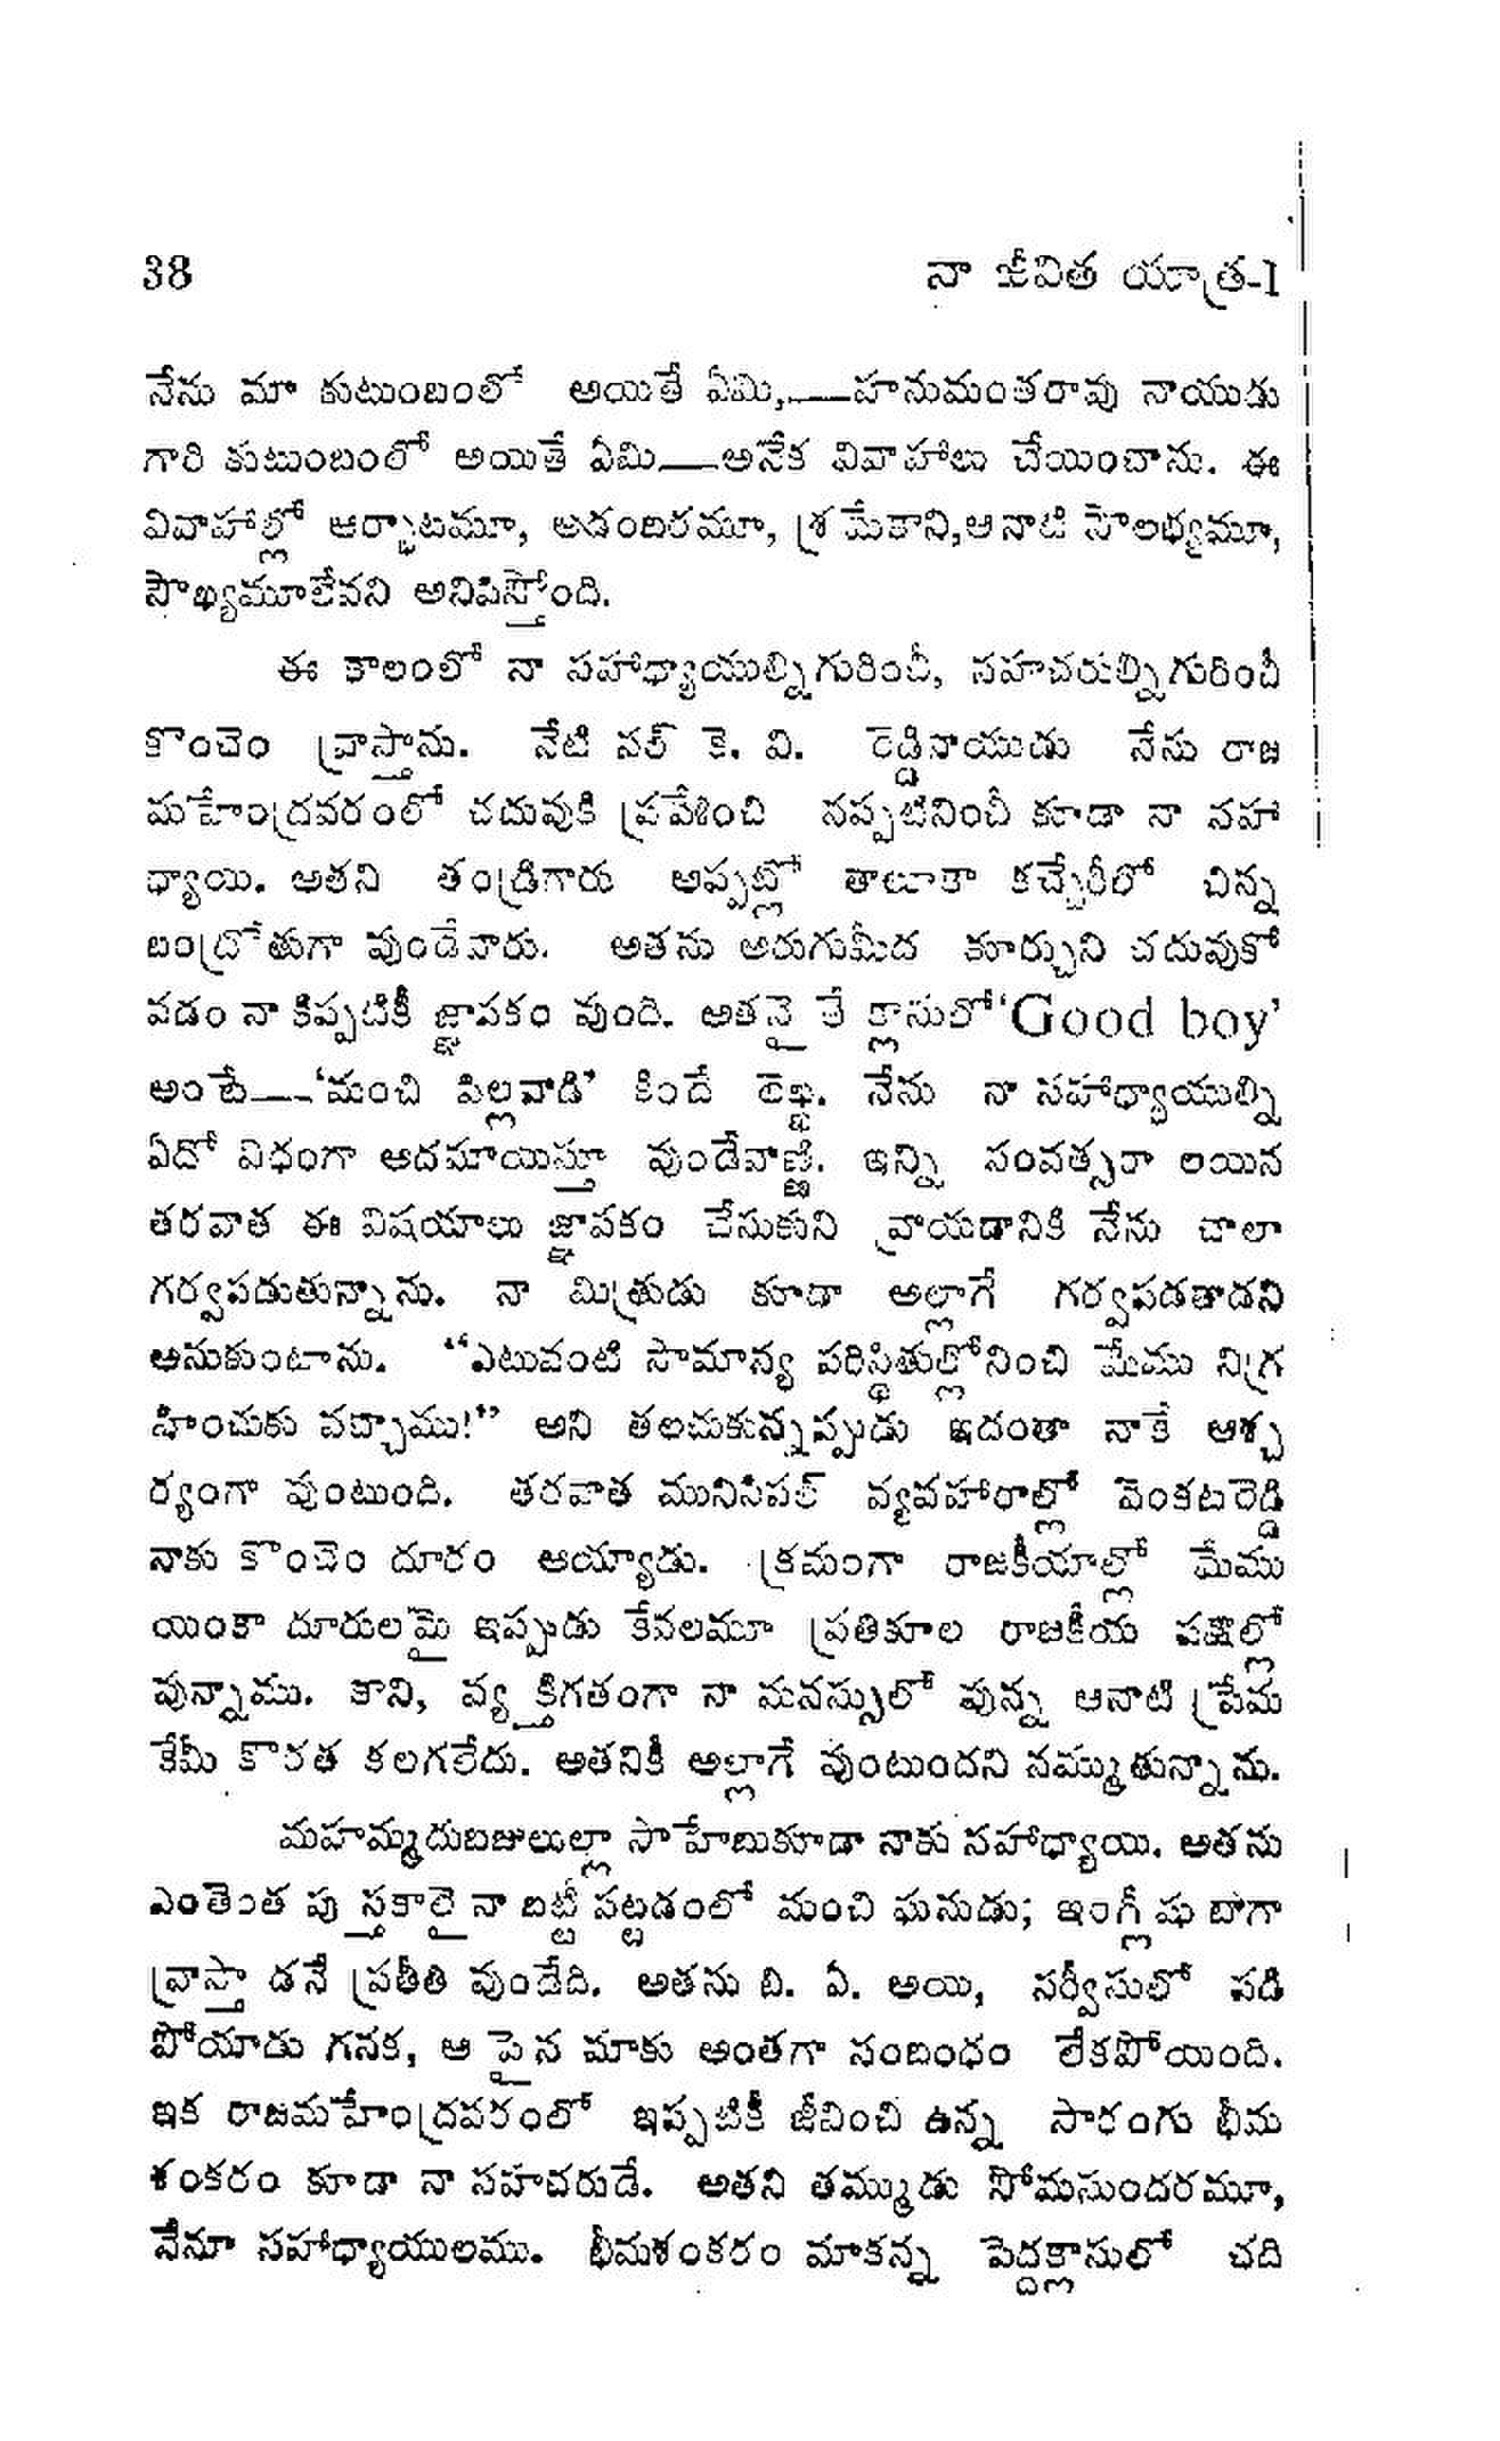నేను మా కుటుంబంలో అయితే ఏమి, - హనుమంతరావు నాయుడుగారి కుటుంబంలో అయితే ఏమి - అనేక వివాహాలు చేయించాను. ఈ వివాహాల్లో ఆర్భాటమూ, ఆడంబరమూ, శ్రమేకాని, ఆనాటిసౌలభ్యమూ, సౌఖ్యమూలేవని అనిపిస్తోంది.

ఈ కాలంలో నా సహాధ్యాయుల్ని గురించీ, సహచరుల్ని గురించీ కొంచెం వ్రాస్తాను. నేటి సర్ కె. వి. రెడ్డినాయుడు నేను రాజమహేంద్రవరంలో చదువుకి ప్రవేశించి నప్పటినించీ కూడా నా సహాధ్యాయి. అతని తండ్రిగారు అప్పట్లో తాలూకా కచ్చేరిలో చిన్న బంట్రోతుగా వుండేవారు. అతను అరుగుమీద కూర్చుని చదువుకోవడం నా కిప్పటికి జ్ఞాపకం వుంది. అతనైతే క్లాసులో 'Good boy' అంటే - 'మంచి పిల్లవాడి' కిందే లెఖ్ఖ. నేను నా సహాధ్యాయుల్ని ఏదో విధంగా అదమాయిస్తూ వుండేవాణ్ణి. ఇన్ని సంవత్సరా లయిన తరవాత ఈ విషయాలు జ్ఞాపకం చేసుకుని వ్రాయడానికి నేను చాలా గర్వపడుచున్నాను. నా మిత్రుడు కూడా అల్లాగే గర్వపడతాడని అనుకుంటాను. "ఎటువంటి సామాన్య పరిస్థితుల్లోనించి మేము నిగ్రహించుకు వచ్చాము!" అని తలచుకున్నప్పుడు ఇదంతా నాకే ఆశ్చర్యంగా వుంటుంది. తరవాత మునిసిపల్ వ్యవహారాల్లో వెంకటరెడ్డి నాకు కొంచెం దూరం అయ్యాడు. క్రమంగా రాజకీయాల్లో మేము యింకా దూరులమై ఇప్పుడు కేవలమూ ప్రతికూల రాజకీయ పక్షాల్లో వున్నాము. కాని, వ్యక్తిగతంగా నా మనస్సులో వున్న ఆనాటి ప్రేమకేమీ కొరత కలగలేదు. అతనికీ అల్లాగే వుంటుందని నమ్ముతున్నాను.

మహమ్మదుబజులుల్లా సాహేబుకూడా నాకు సహాధ్యాయి. అతను ఎంతెంత పుస్తకాలైనా బట్టీ పట్టడంలో మంచి ఘనుడు; ఇంగ్లీషు బాగా వ్రాస్తా డనే ప్రతీతి వుండేది. అతను బి. ఏ. అయి, సర్వీసులో పడిపోయాడు గనక, ఆ పైన మాకు అంతగా సంబంధం లేకపోయింది. ఇక రాజమహేంద్రవరంలో ఇప్పటికీ జీవించి ఉన్న సారంగు భీమశంకరం కూడా నా సహచరుడే. అతని తమ్ముడు సోమసుందరమూ, నేనూ సహాధ్యాయులము. భీమశంకరం మాకన్న పెద్దక్లాసులో చది